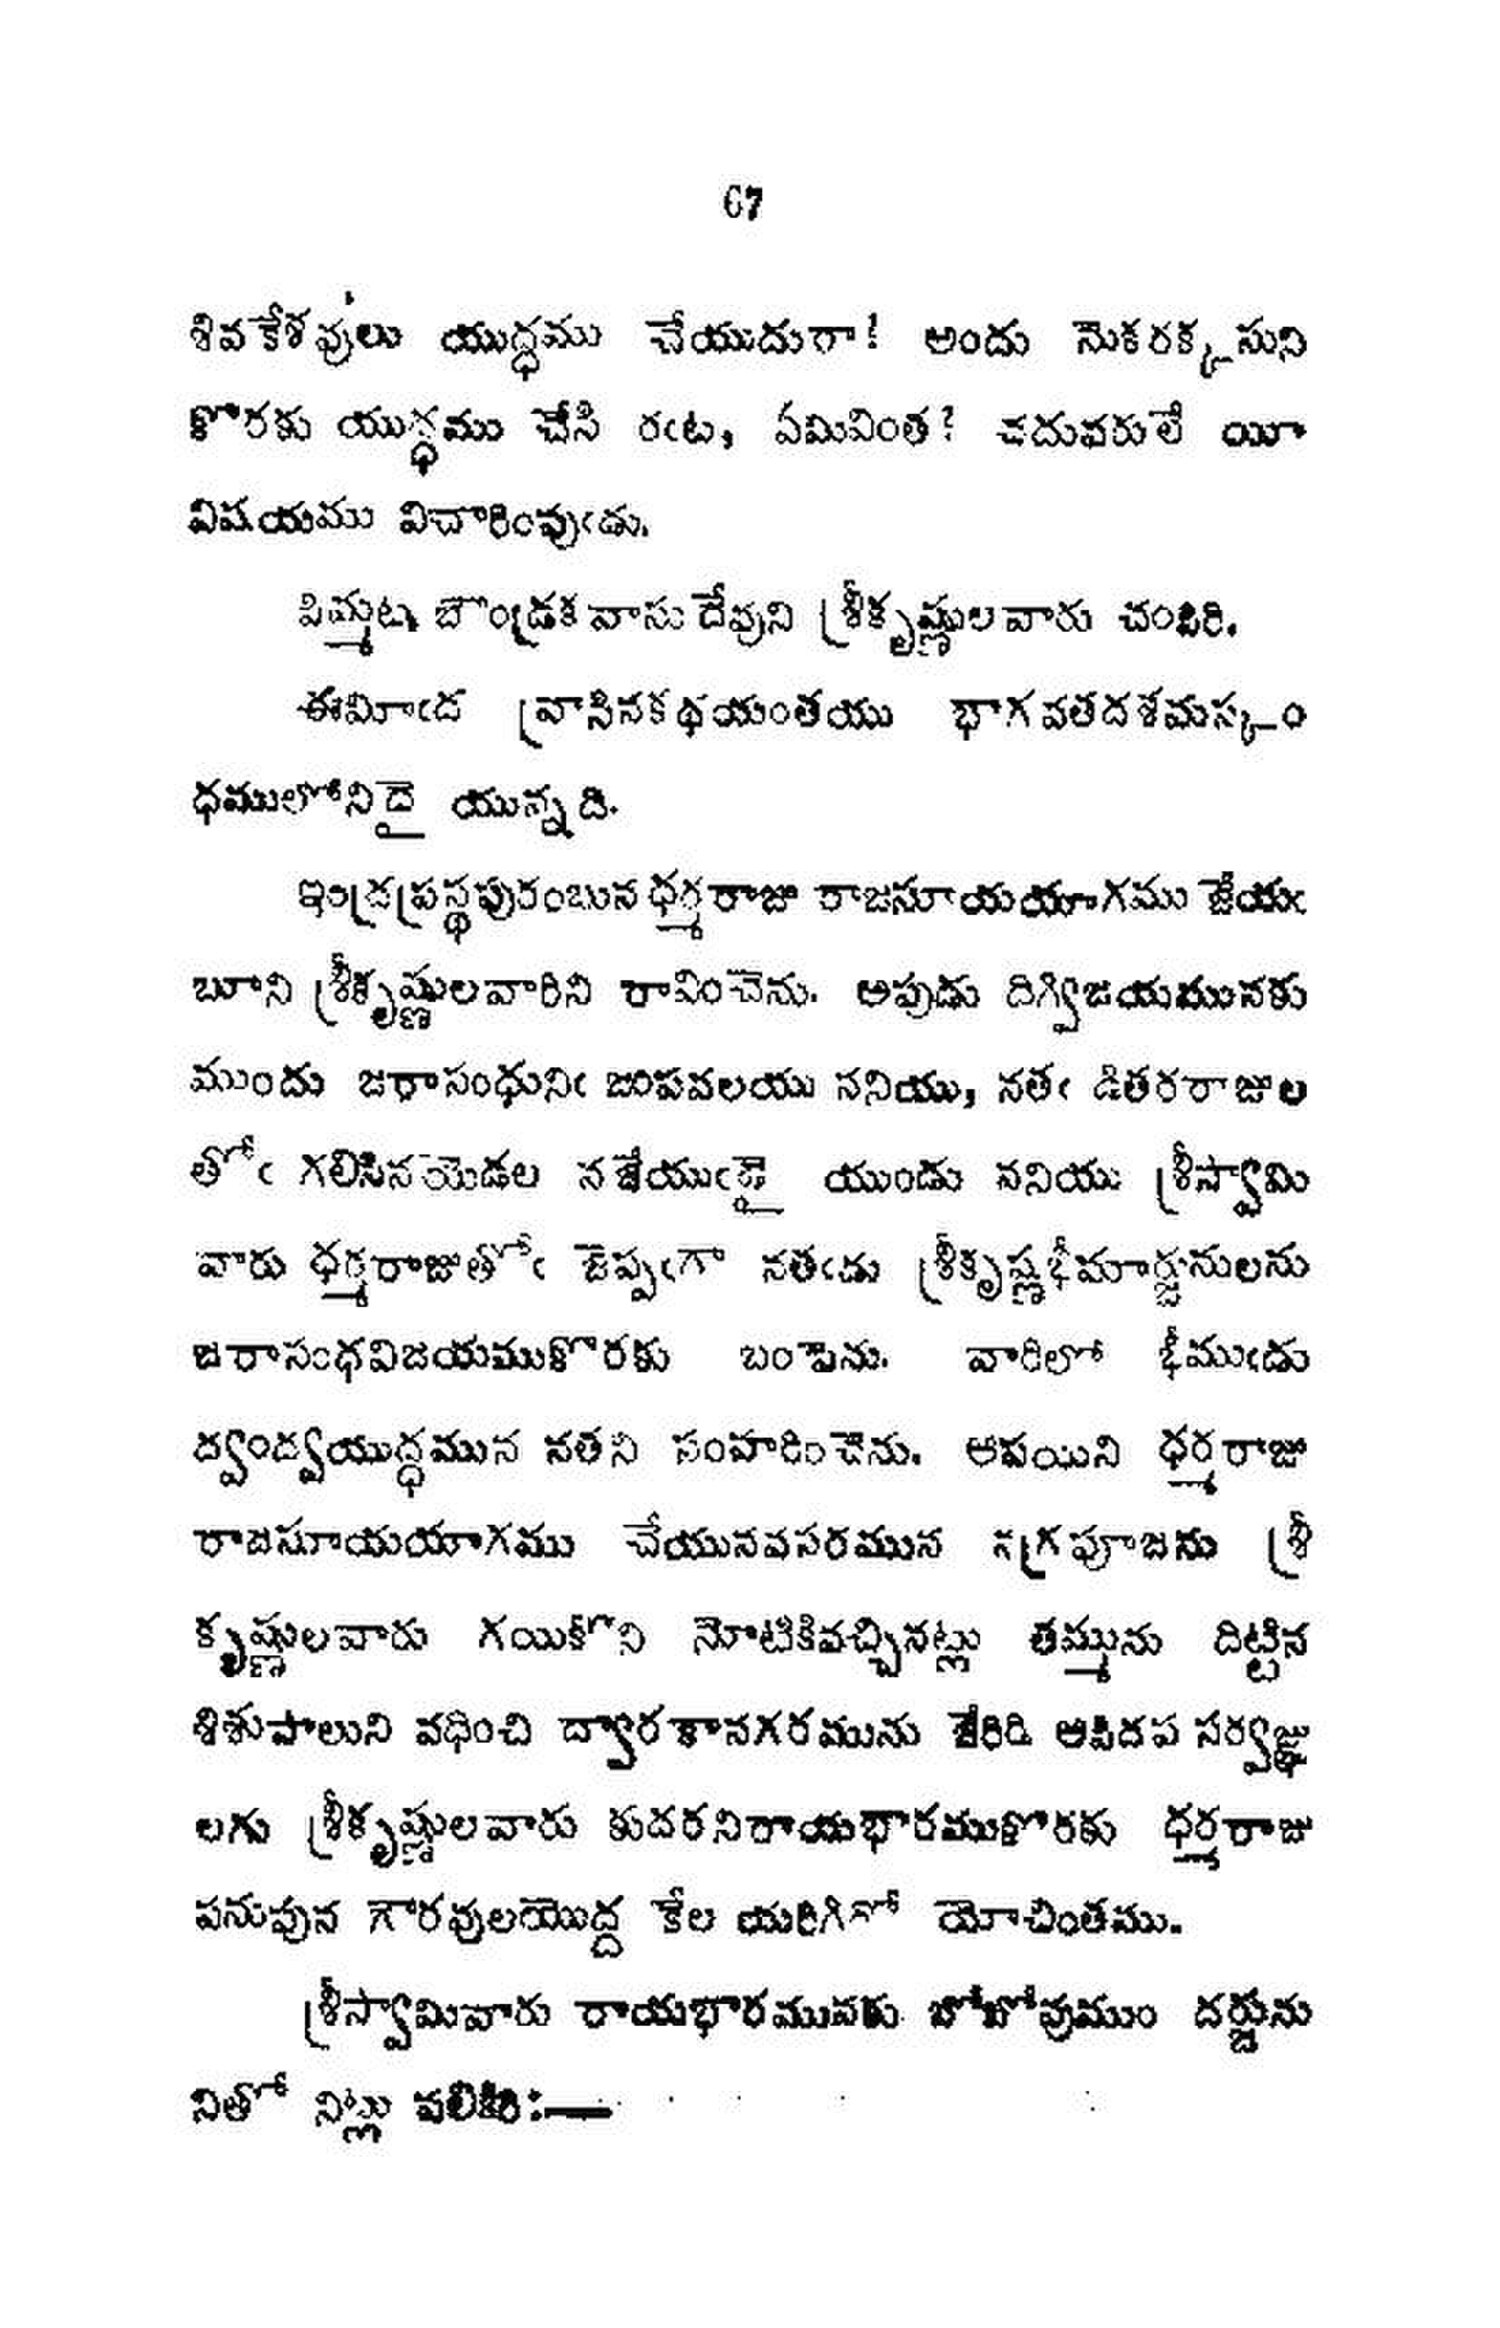శివకేశవులు యుద్ధము చేయుదురా! అందు నొకరక్కసుని కొరకు యుద్ధము చేసి రఁట, ఏమివింత ! చదువరులే యీ విషయము విచారింపుడు.

పిమ్మట, బౌండ్రకవాసుదేవుని శ్రీకృష్ణులవారు చంపిరి.

ఈమీఁద వ్రాసినకథయంతయు భాగవతదశమస్కంధములోనిదై యున్నది.

ఇంద్రప్రస్థపురంబునధర్మరాజు రాజసూయయాగము జేయఁబూని శ్రీకృష్ణులవారిని రావించెను. అపుడు దిగ్విజయమునకు ముందు జరాసంధునిఁ జంపవలయు ననియు, నతఁ డితరరాజులతోఁ గలిసినయెడల నజేయుఁడై యుండు ననియు శ్రీస్వామివారు ధర్మరాజుతోఁ జెప్పఁగా నతఁడు శ్రీకృష్ణభీమార్జునులను జరాసంధవిజయముకొరకు బంపెను. వారిలో భీముఁడు ద్వంద్వయుద్ధమున నతని సంహరించెను. ఆపయిని ధర్మరాజు రాజసూయయాగము చేయునవసరమున నగ్రపూజను
శ్రీకృష్ణులవారు గయికొని నోటికివచ్చినట్లు తమ్మును దిట్టిన శిశుపాలుని వధించి ద్వారకానగరమును జేరిరి. ఆపిదప సర్వజ్ఞులగు శ్రీకృష్ణులవారు కుదరనిరాయభారముకొరకు ధర్మరాజు పనుపున గౌరవులయొద్ద కేల యరిగిరో యోచింతము.

శ్రీస్వామివారు రాయభారమునకు బోబోవుముం దర్జునునితో నిట్లు పలికిరి:-